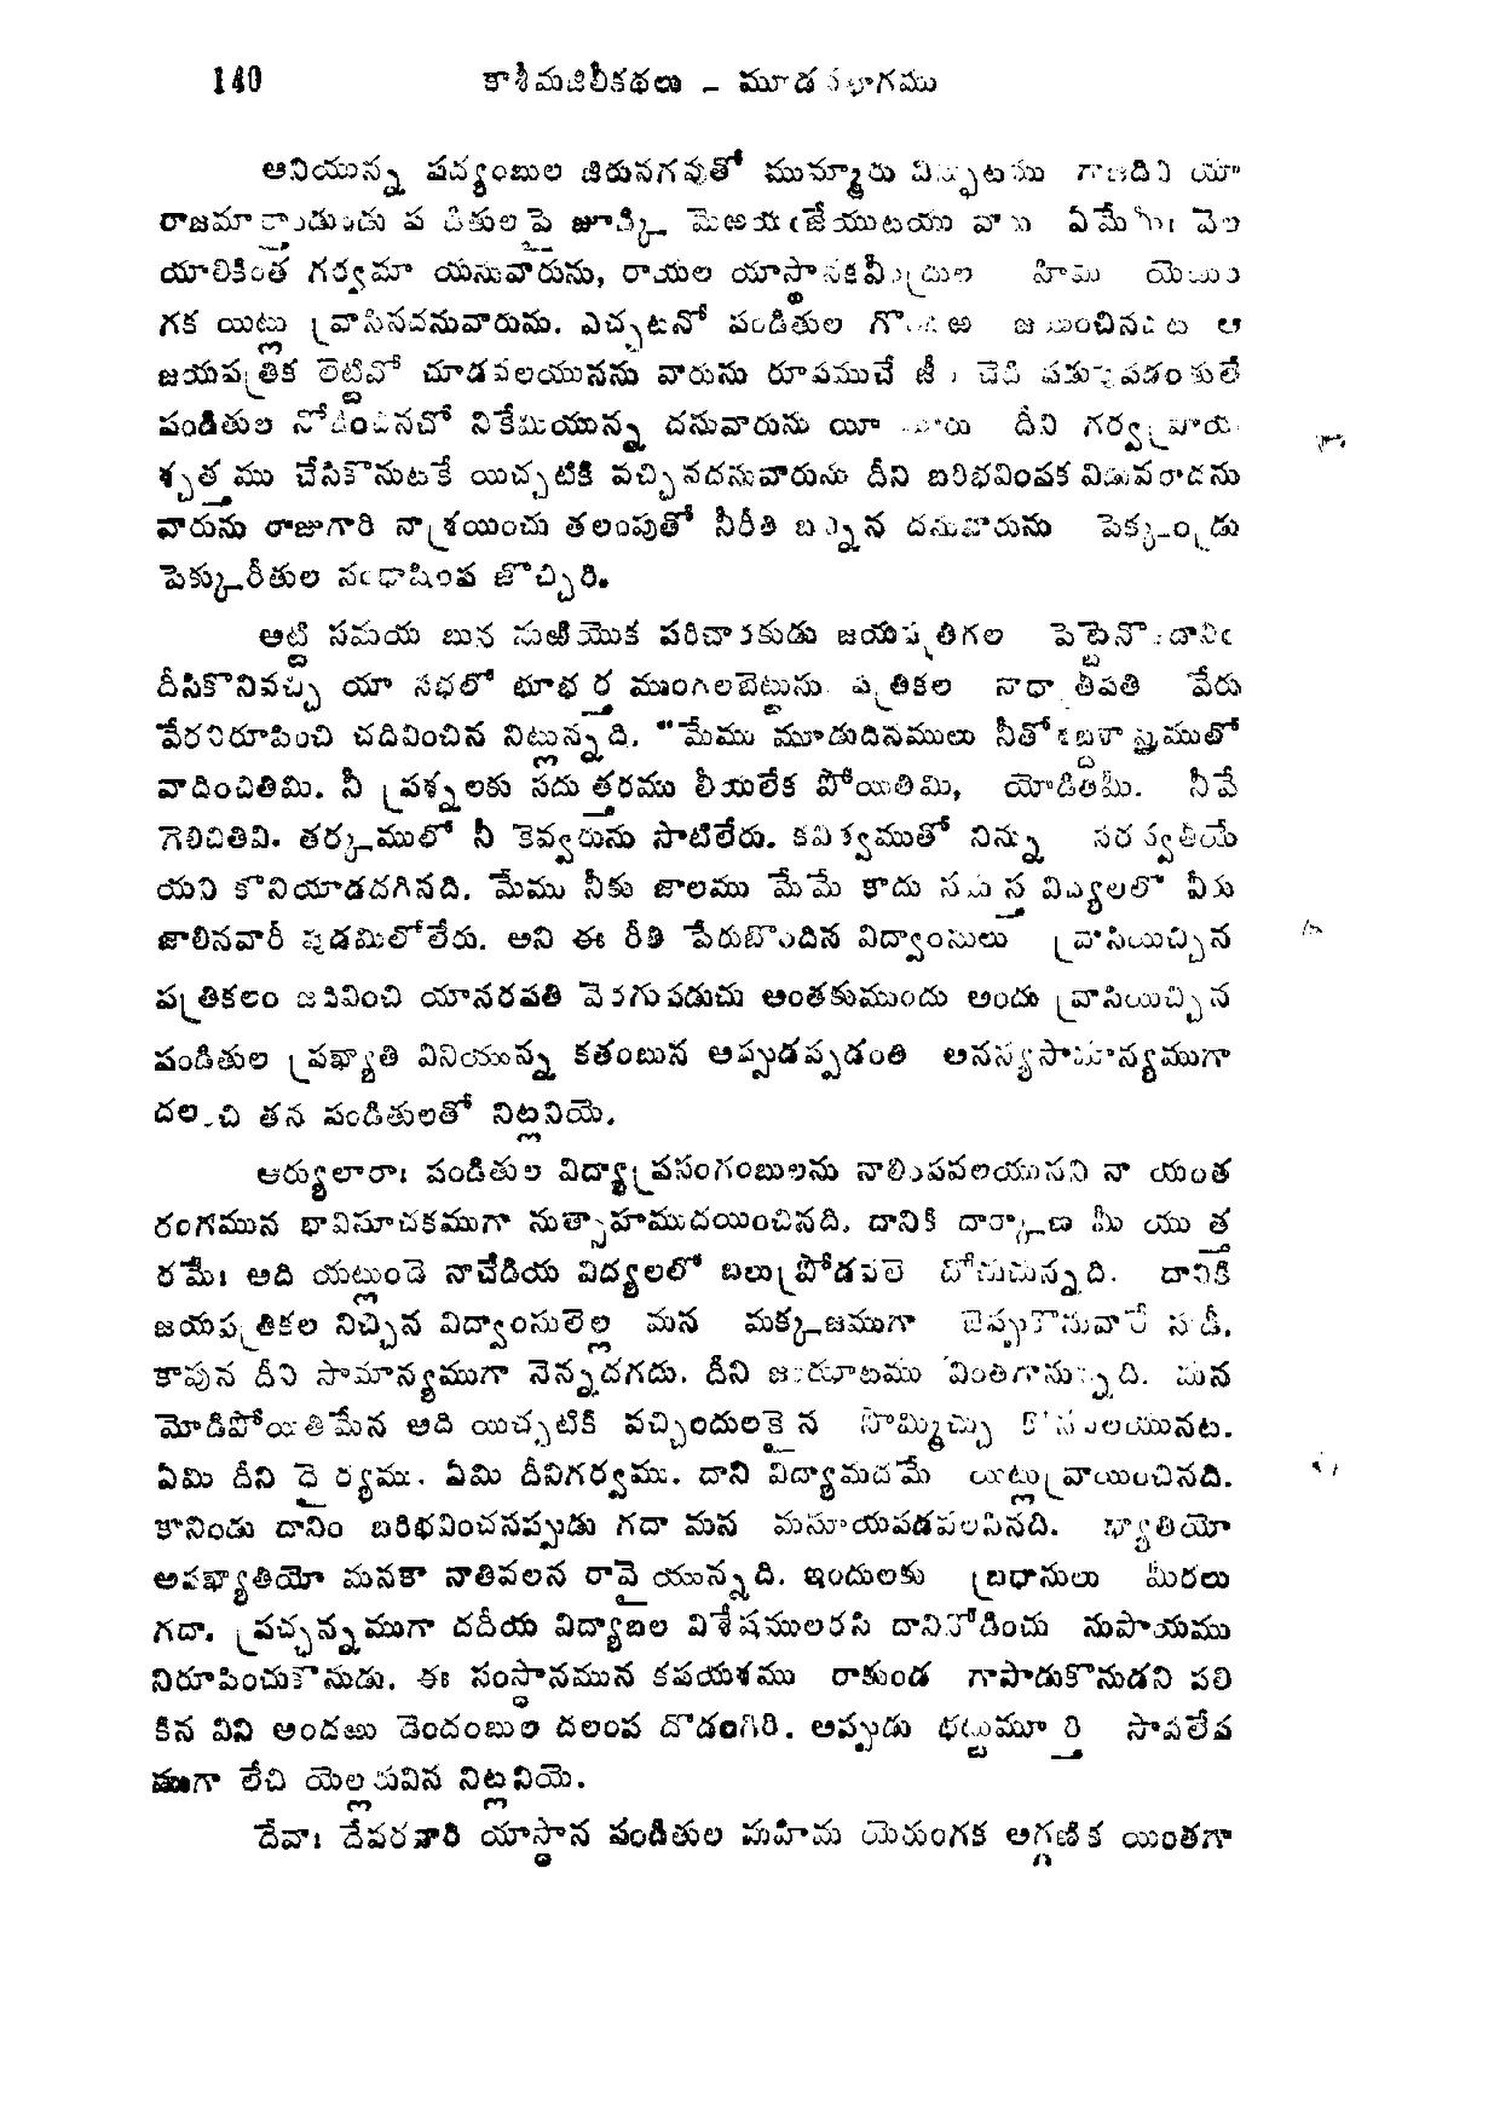అనియున్న పద్యంబుల జిరునగవుతో ముమ్మారు విస్ఫుటముగా జదివి యా రాజమార్తాండుండు పండితులపై జూడ్కి మెఱయఁజేయుటయు వారు ఏమేమి వెలయాలికింత గర్వమా యనువారును, రాయల యాస్థానకవీంద్రుల మహిమ యెఱుంగక యిట్లు వ్రాసినదనువారును, ఎచ్చటనో పండితుల గొందఱ జయించినదట ఆ జయపత్రిక లెట్టివో చూడవలయుననువారును, రూపముచే జీరి చెడి పడుపుపడంతులే పండితుల నోడించినచో నికేమియున్నదనువారును, యీ మారు దీని గర్వప్రాయశ్చత్తము చేసికొనుటకే యిచ్చటికి వచ్చినదనువారును, దీని బరిభవింపక విడువరాదనువారును, రాజుగారి నాశ్రయించు తలంపుతో నీరీతి బన్నిన దనువారును, పెక్కండ్రు పెక్కురీతుల సంభాషింప జొచ్చిరి.

అట్టి సమయంబున మఱియొక పరిచారకుడు జయపత్రికల పెట్టెనొకదానిఁ దీసికొనివచ్చి యా సభలో భూభర్త ముంగలబెట్టును. పత్రికల నాధాత్రీపతి వేరు వేరనిరూపించి చదివించిన నిట్లున్నది. "మేము మూడుదినములు నీతోశబ్దశాస్త్రములో వాదించితిమి. నీ ప్రశ్నలకు సదుత్తరము లీయలేక పోయితిమి, యోడితిమి. నీవే గెలిచితివి. తర్కములో నీ కెవ్వరును సాటిలేరు. కవిత్వముతో నిన్ను సరస్వతీయే
యని కొనియాడదగినది. మేము నీకు జాలము మేమే కాదు సమస్త విద్యలలో నీకు జాలినవారీ పుడమిలోలేరు. అని ఈ రీతి పేరుబొందిన విద్వాంసులు వ్రాసియిచ్చిన పత్రికలం జదివించి యానరపతి వెరగుపడుచు అంతకుముందు అందు వ్రాసియిచ్చిన పండితుల ప్రఖ్యాతి వినియున్న కతంబున అప్పుడప్పడంతి అనన్యసామాన్యముగా దలంచి తన పండితులతో నిట్లనియె.

ఆర్యులారా! పండితుల విద్యాప్రసంగంబులను నాలింపవలయునని నా యంతరంగమున భావిసూచకముగా నుత్సాహముదయించినది. దానికి దార్కాణ మీ యుత్తరమే! అది యట్లుండె నాచేడియ విద్యలలో బలుప్రోడవలె దోచుచున్నది. దానికి జయపత్రికల నిచ్చిన విద్వాంసులెల్ల మన మక్కజముగా జెప్పుకొనువారే సుడీ. కావున దీని సామాన్యముగా నెన్నదగదు. దీని జంఝాటము వింతగానున్నది. మన మోడిపోయితిమేన అది యిచ్చటికి వచ్చిందులకైన సొమ్మిచ్చు కొనవలయునట.
ఏమి దీని ధైర్యము . ఏమి దీనిగర్వము. దాని విద్యామదమే యిట్లు వ్రాయించినది. కానిండు దానిం బరిభవించనప్పుడు గదా మన మసూయపడవలసినది. ఖ్యాతియో అపఖ్యాతియో మనకా నాతివలన రావై యున్నది. ఇందులకు బ్రధానులు మీరలు గదా. ప్రచ్ఛన్నముగా దదీయవిద్యాబలవిశేషము లరసి దానినోడించు నుపాయము నిరూపించుకొనుడు. ఈ సంస్థానమున కపయశము రాకుండ గాపాడుకొనుడని పలికిన విని అందఱు డెందంబుల దలంప దొడంగిరి. అప్పుడు భట్టుమూర్తి సావలేపముగా లేచి యెల్లరువిన నిట్లనియె.

దేవా! దేవరవారి యాస్థానపండితుల మహిమ యెరుంగక అగ్గణిక యింతగా